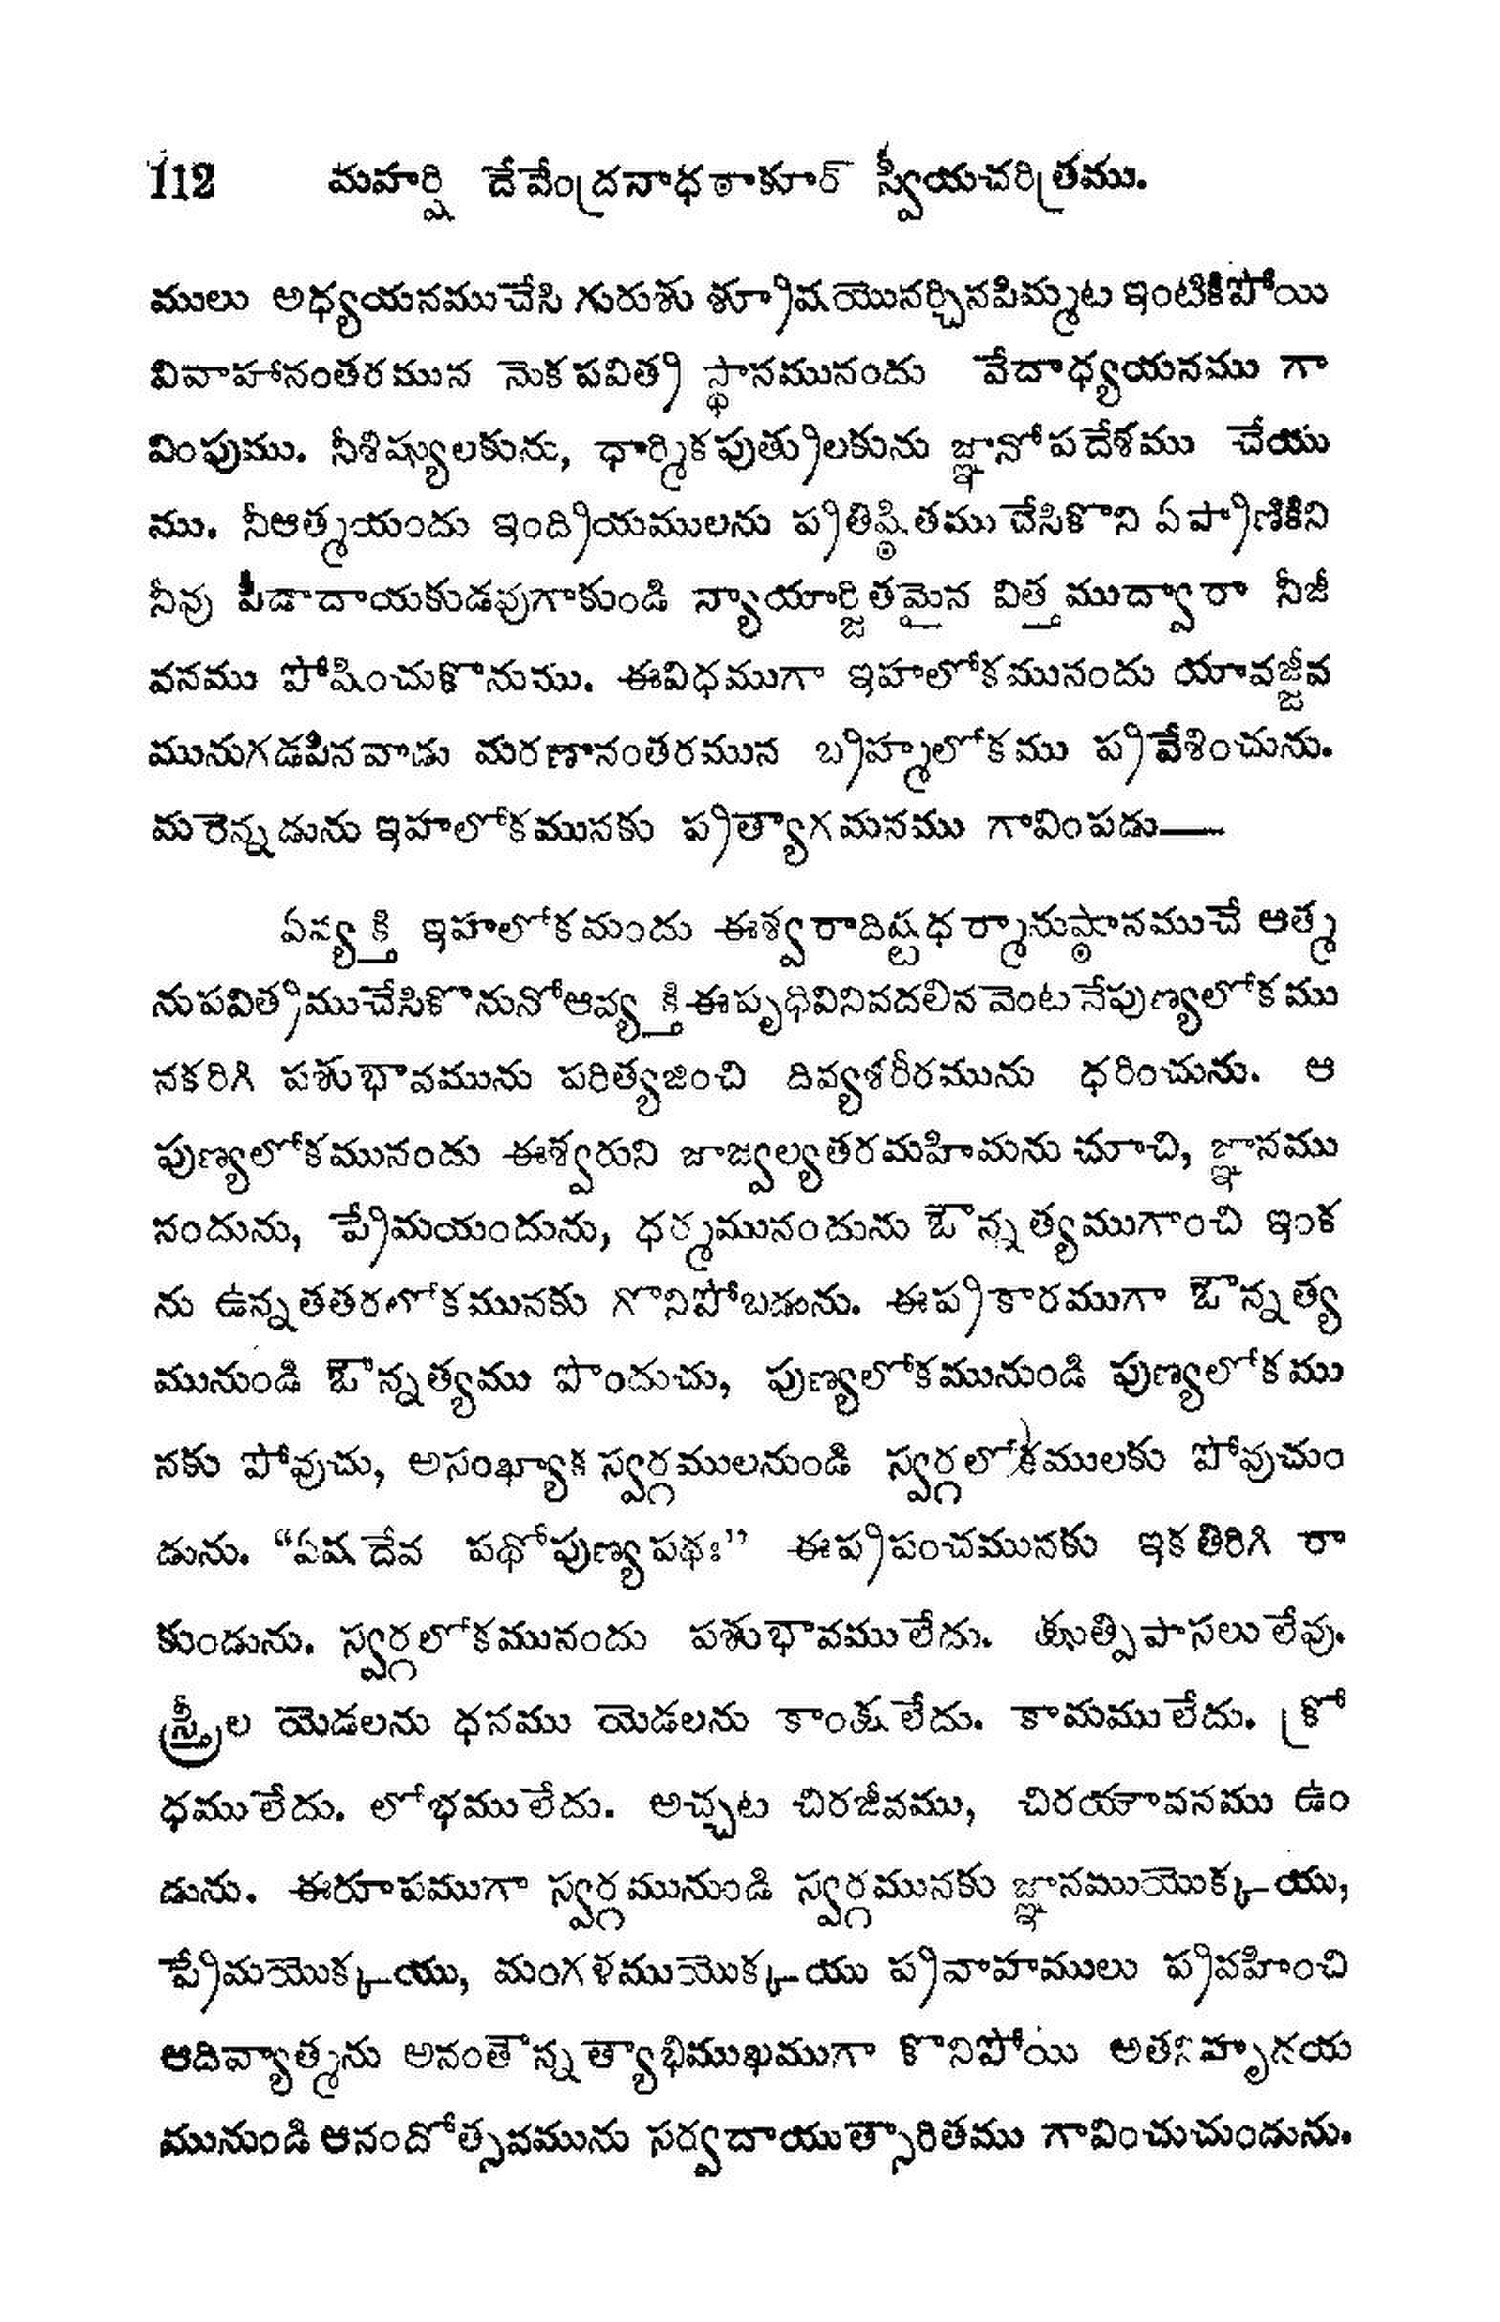ములు అధ్యయనము చేసి గురుశుశ్రూష యొనర్చిన పిమ్మట ఇంటికి పోయి
వివాహానంతరమున ఒక పవిత్ర స్థానమునందు 'వేదాధ్యయనము 
గావింపుము. నీశిష్యులకును, ధార్మిక పుత్రులకును జ్ఞానోపదేశము 
చేయుము. నీ ఆత్మయందు ఇంద్రియములను ప్రతిష్ఠితము చేసికొని 
ఏ ప్రాణికినినీవు పీడా దాయకుడవు గాకుండి న్యాయార్జితమైన విత్తము
ద్వారా నీజీవసము పోషించు కొనుము. ఈ విధముగా ఇహలోకమునందు
 యావజ్జీవమునుగడపిన వాడు మరణానంతరమున బ్రహ్మలోకము 
ప్రవేశించును.మరెన్నడును ఇహలోకము నకు ప్రత్యాగమనము గావింపడు—-

ఏవ్యక్తి ఇహలోకమందు ఈశ్వరాదిష్ట ధర్మానుష్ఠానముచే ఆత్మను పవిత్రము 
చేసికొనునో ఆవ్యక్తి ఈ పృధివినీ వదలిన వెంటనే పుణ్యలోకమునకరిగి 
పశుభావమును పరిత్యజించి దివ్యశరీరమును ధరించును. ఆ
పుణ్యలోకము నందు ఈశ్వరుని జాజ్వల్యతర మహిమను చూచి, జ్ఞానము
సందును, ప్రేమయందును, ధర్మమునందును ఔన్నత్యముగాంచి 
ఇంకను ఉన్నతతరలోకమునకు గొనిపోబడును. ఈ ప్రకారముగా 
ఔన్నత్యమునుండి ఔన్నత్యము పొందుచు, పుణ్యలోకమునుండి 
పుణ్యలోకమునకు పోవుచు, అసంఖ్యాక స్వర్గములనుండి స్వర్గ లోకములకు 
పోవుచుండును. “ఏష దేవ పథోపుణ్య పథః" ఈ ప్రపంచమునకు ఇక 
తిరిగి రాకుండును. స్వర్గలోకమునందు పశుభావము లేదు. కుత్పిపాసలు లేవు.
స్త్రీల యెడలను ధనము యెడలను కాంక్ష లేదు. కామము లేదు. 
క్రోధము లేదు. లోభము లేదు. అచ్చట చిరజీవము, చిరయావనము 
ఉండును. ఈరూపముగా స్వర్గముము నుండి స్వర్గమునకు జ్ఞానము యొక్కయు,
ప్రేమయొక్కయు, మంగళము యొక్కయు ప్రవాహములు ప్రవహించి
ఆదివ్యాత్మను అనంతోన్న త్యాభిముఖముగా కొనిపోయి అతః హృగయము 
నుండి ఆనందోత్సవమును సర్వదాయు త్సొరితము గావించుచుందును.